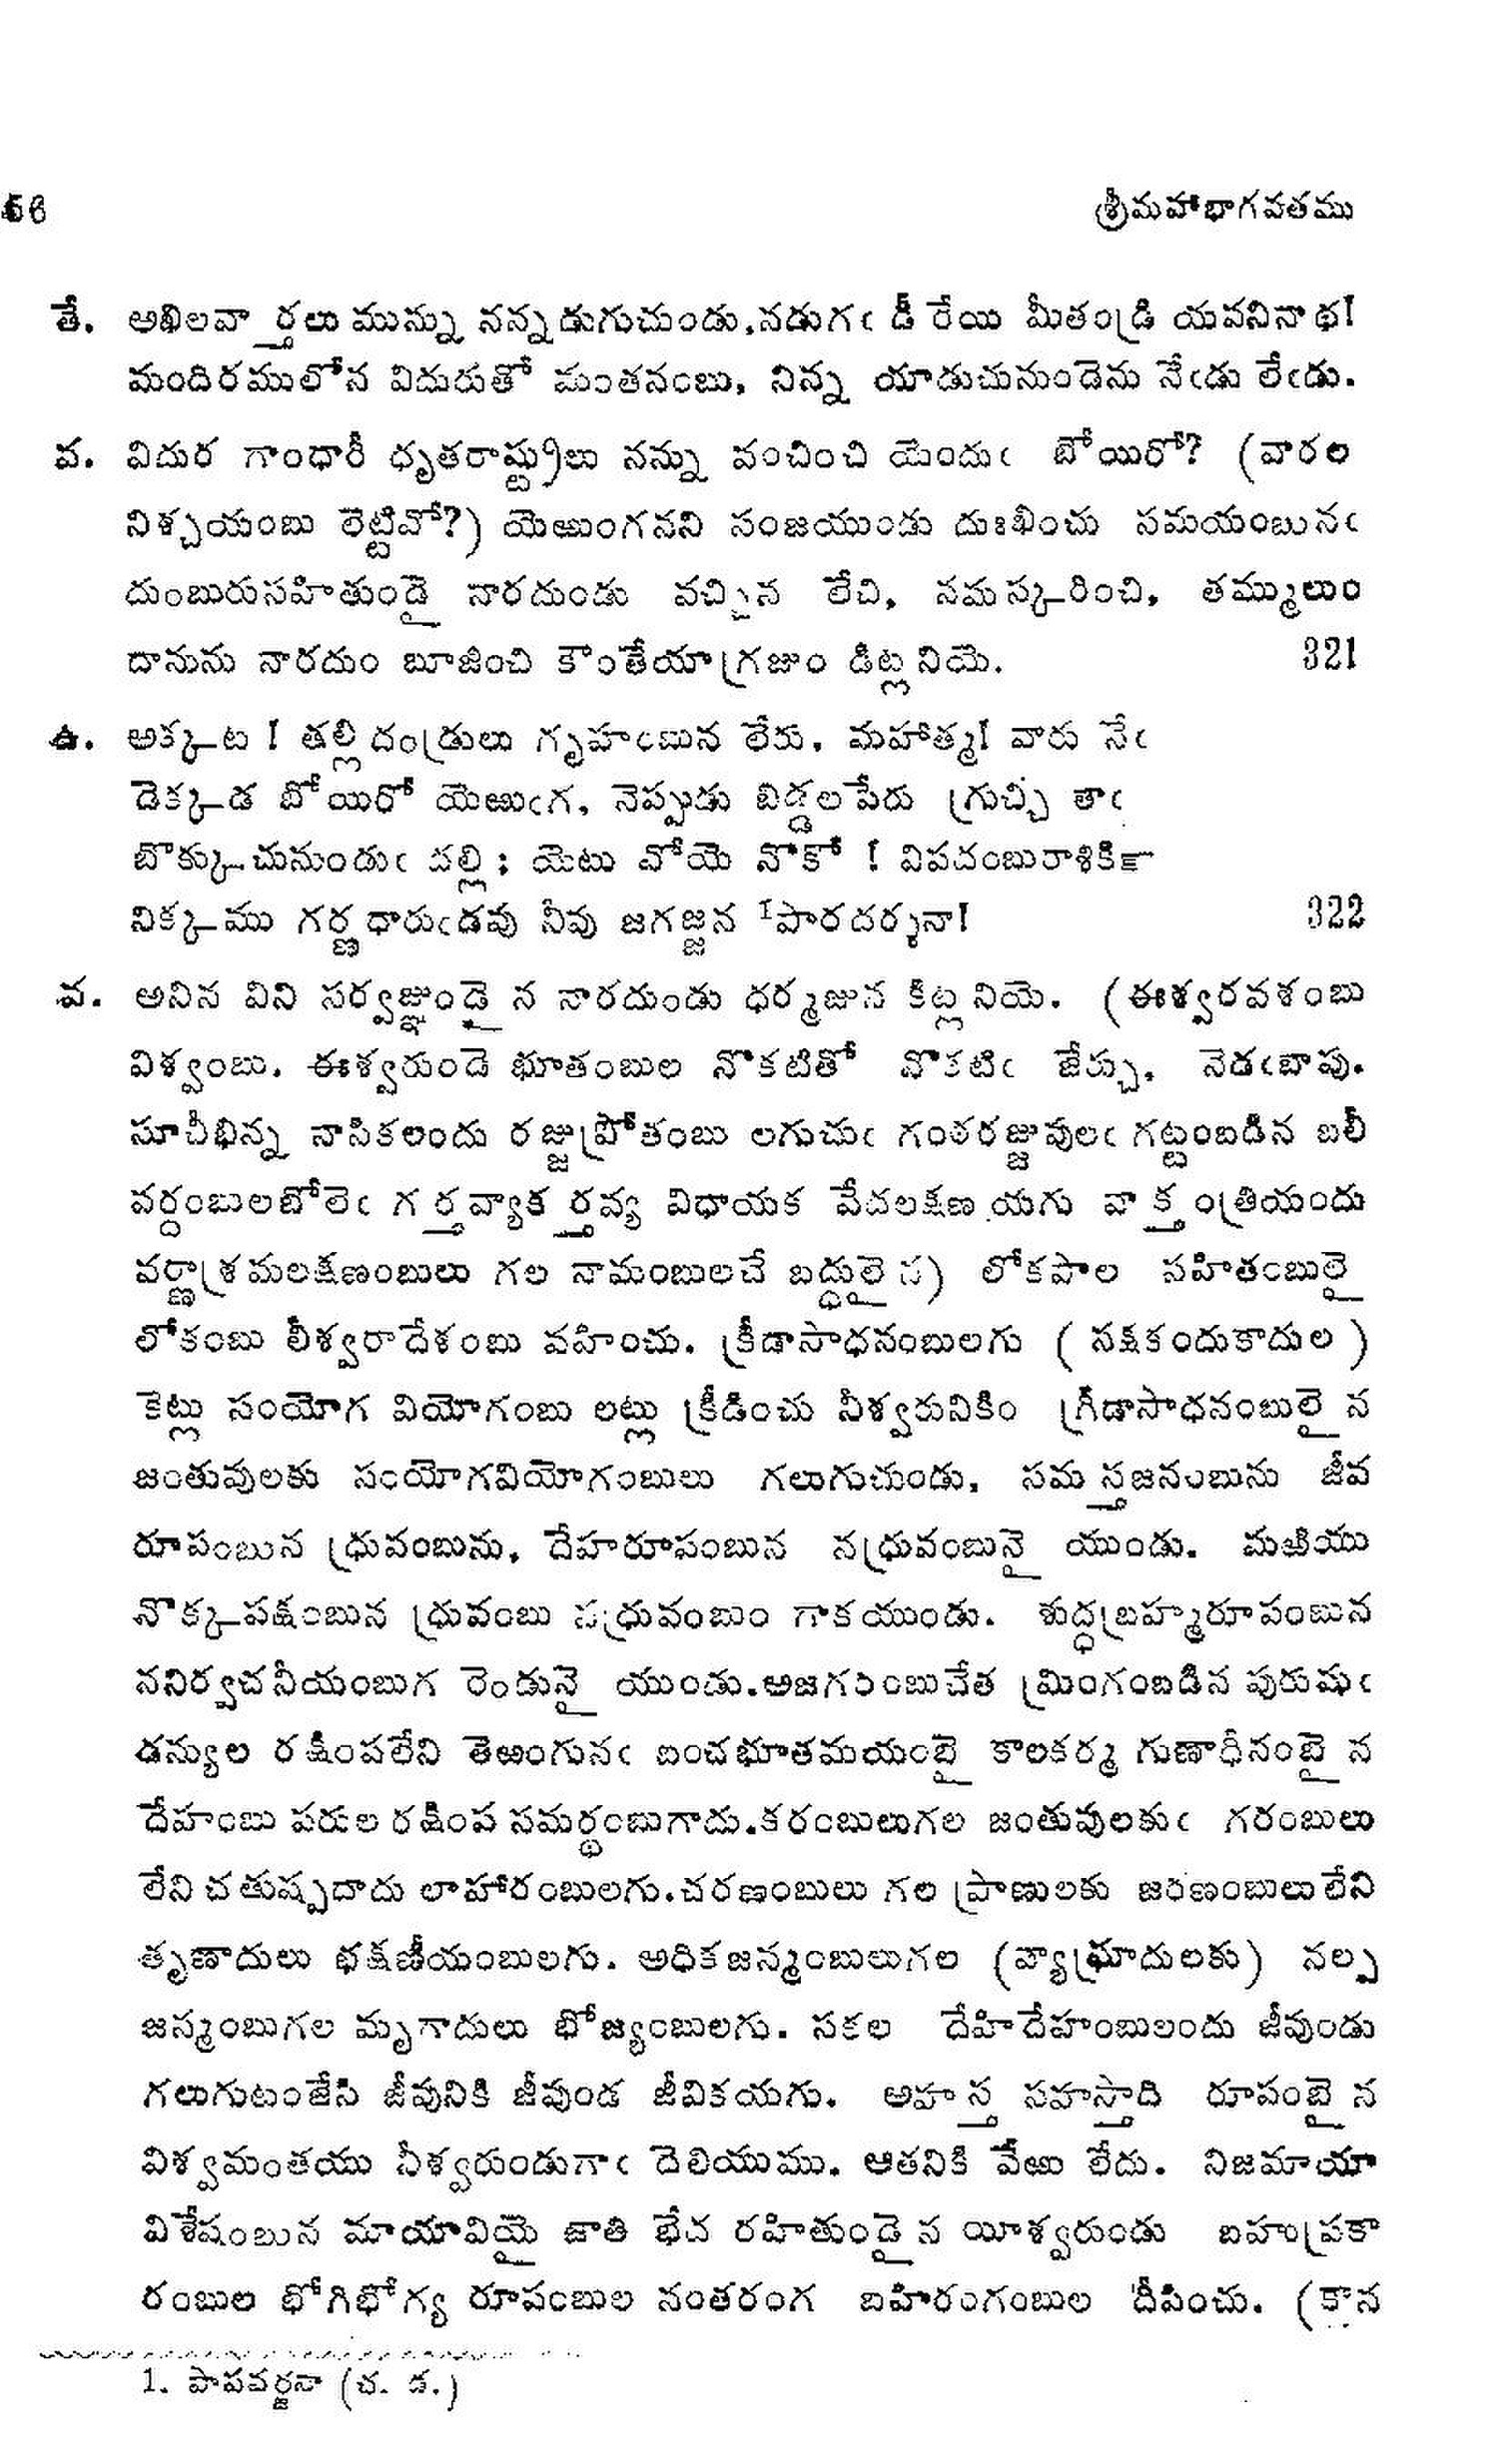56

తే. అఖిలవార్తలు మున్ను నన్నురుగుచుండు, నడుగఁ దీరేయి మీతండ్రి యవనినాథ!

మందిరములోన విదురుతో మంతనంబు, నిన్న యాడుచునుండెను నేఁడు లేఁడు. (1-320)

వ. విదుర గాంధారీ ధృతరాష్ట్రులు నన్ను వంచించి యెందుఁ బోయిరో? (వారల నిశ్చయంబు లెట్టివో?) యెఱుంగనని సంజయుండు దుఃఖించు సమయంబునఁ దుంబురుసహితుండై నారదుండు వచ్చిన లేచి, నమస్కరించి, తమ్ములుందానును నారదుం బూజించి కొంతెయాగ్రజుం డిట్లనియె. (1-321)

ఉ. అక్కట! తల్లిదండ్రులు గృహంబున లేరు, మహాత్మ! వారు నేఁ 

డెక్కడ బోయిరో యెఱుఁగ, నెప్పుడు బిడ్డ పేరు గ్రుచ్చి తాఁ

బుక్కచునుండుఁ దల్లి: యెటు వోయె నొకో! విపదంబురాశికిన్

నిక్కము గర్ణధారుఁడవు నీవు జగజ్జన పారదర్శనా! (1-322)

వ. అనిన విని సర్వజ్ఞుండైన నారదుండు ధర్మజున కిట్లనియె. (ఈశ్వరవశంబు విశ్వంబు. ఈశ్వరుండె భూతంబుల నొకటితో నొకటిఁ జేర్చుఁ , నెడఁబాపు. సూచీభీన్న నాసికలందు రజ్జుప్రోతంబు లగుచుఁ గంఠరజ్జువులఁ గట్టంబడిన బలీవర్దంబులబోలెఁ గర్తవ్యాకర్తవ్య విధాయక వేదలక్షణ యగు వాక్తంత్రియందు వర్ణాశ్రమలక్షణంబులు గల నామంబులచే బద్ధులైన) లొకపాల సహింబులైలొకంబులీశ్వరాదేశంబు వహించు. క్రీడాసాధనంబులగు (నక్షకందుకాదుల) కెట్లు సంయోగవియోగంబు లట్లు క్రీడించు నీశ్వరునికిం గ్రీడాసాధనంబులైన జంతువులకు సంయోగవియోగంబులు గలుగుచుండు. సమస్తజనంబును జీవరూపంబున ధ్రువంబున, దేహరూపంబున నధ్రువంబునై యుండు.మఱియు నోక్కపక్షంబున ధ్రవంబు నధ్రువంబు గాకయుండు. శుద్ధబ్రహ్మరూపంబున ననిర్వచనీయంబుగ రెండునై యుండు. అజగతరంబుచేత మ్రింగబడిన పురుషుఁడన్యుల రక్షింపలేని తెఱంగునఁ బంచభూతమయంబై కాలకర్మ గుణాధీనంబైన దేహంబు పరులరక్షింప సమర్థంబుగాదు. కరంబులుగల జంతువులకుఁ గరంబులు లేని చతుష్పదాదు లాహారంబులగు. చరణంబులు గల ప్రాణులకు జరణంబులులేని తృణాదులు భక్షణీయంబులగు. అధిక జన్మంబులుగల (వ్యాఘ్రాదులకు) నల్పజన్మంబుగల మృగాదులు భోజ్యంబులగు. సకల దేహిదేహంబులందు జీవుండు గలుగుటంజేసి జీవునికి జీవుండ జీవికియగు. అహస్త సహస్తాది రూపమ్బైన విశ్వమంతయు నీశ్వరుండుగాఁ దెలియుము. ఆతనికి వేఱు లేదు. నిజమాయా విశేషంబున మాయావియై జాతి భేద రహితుండైన యీశ్వరుండు బహుప్రకారంబుల భోగి భోగ్య రూపంబుల నంతరంగ బహిరంగబుల దీపించు. (కాన